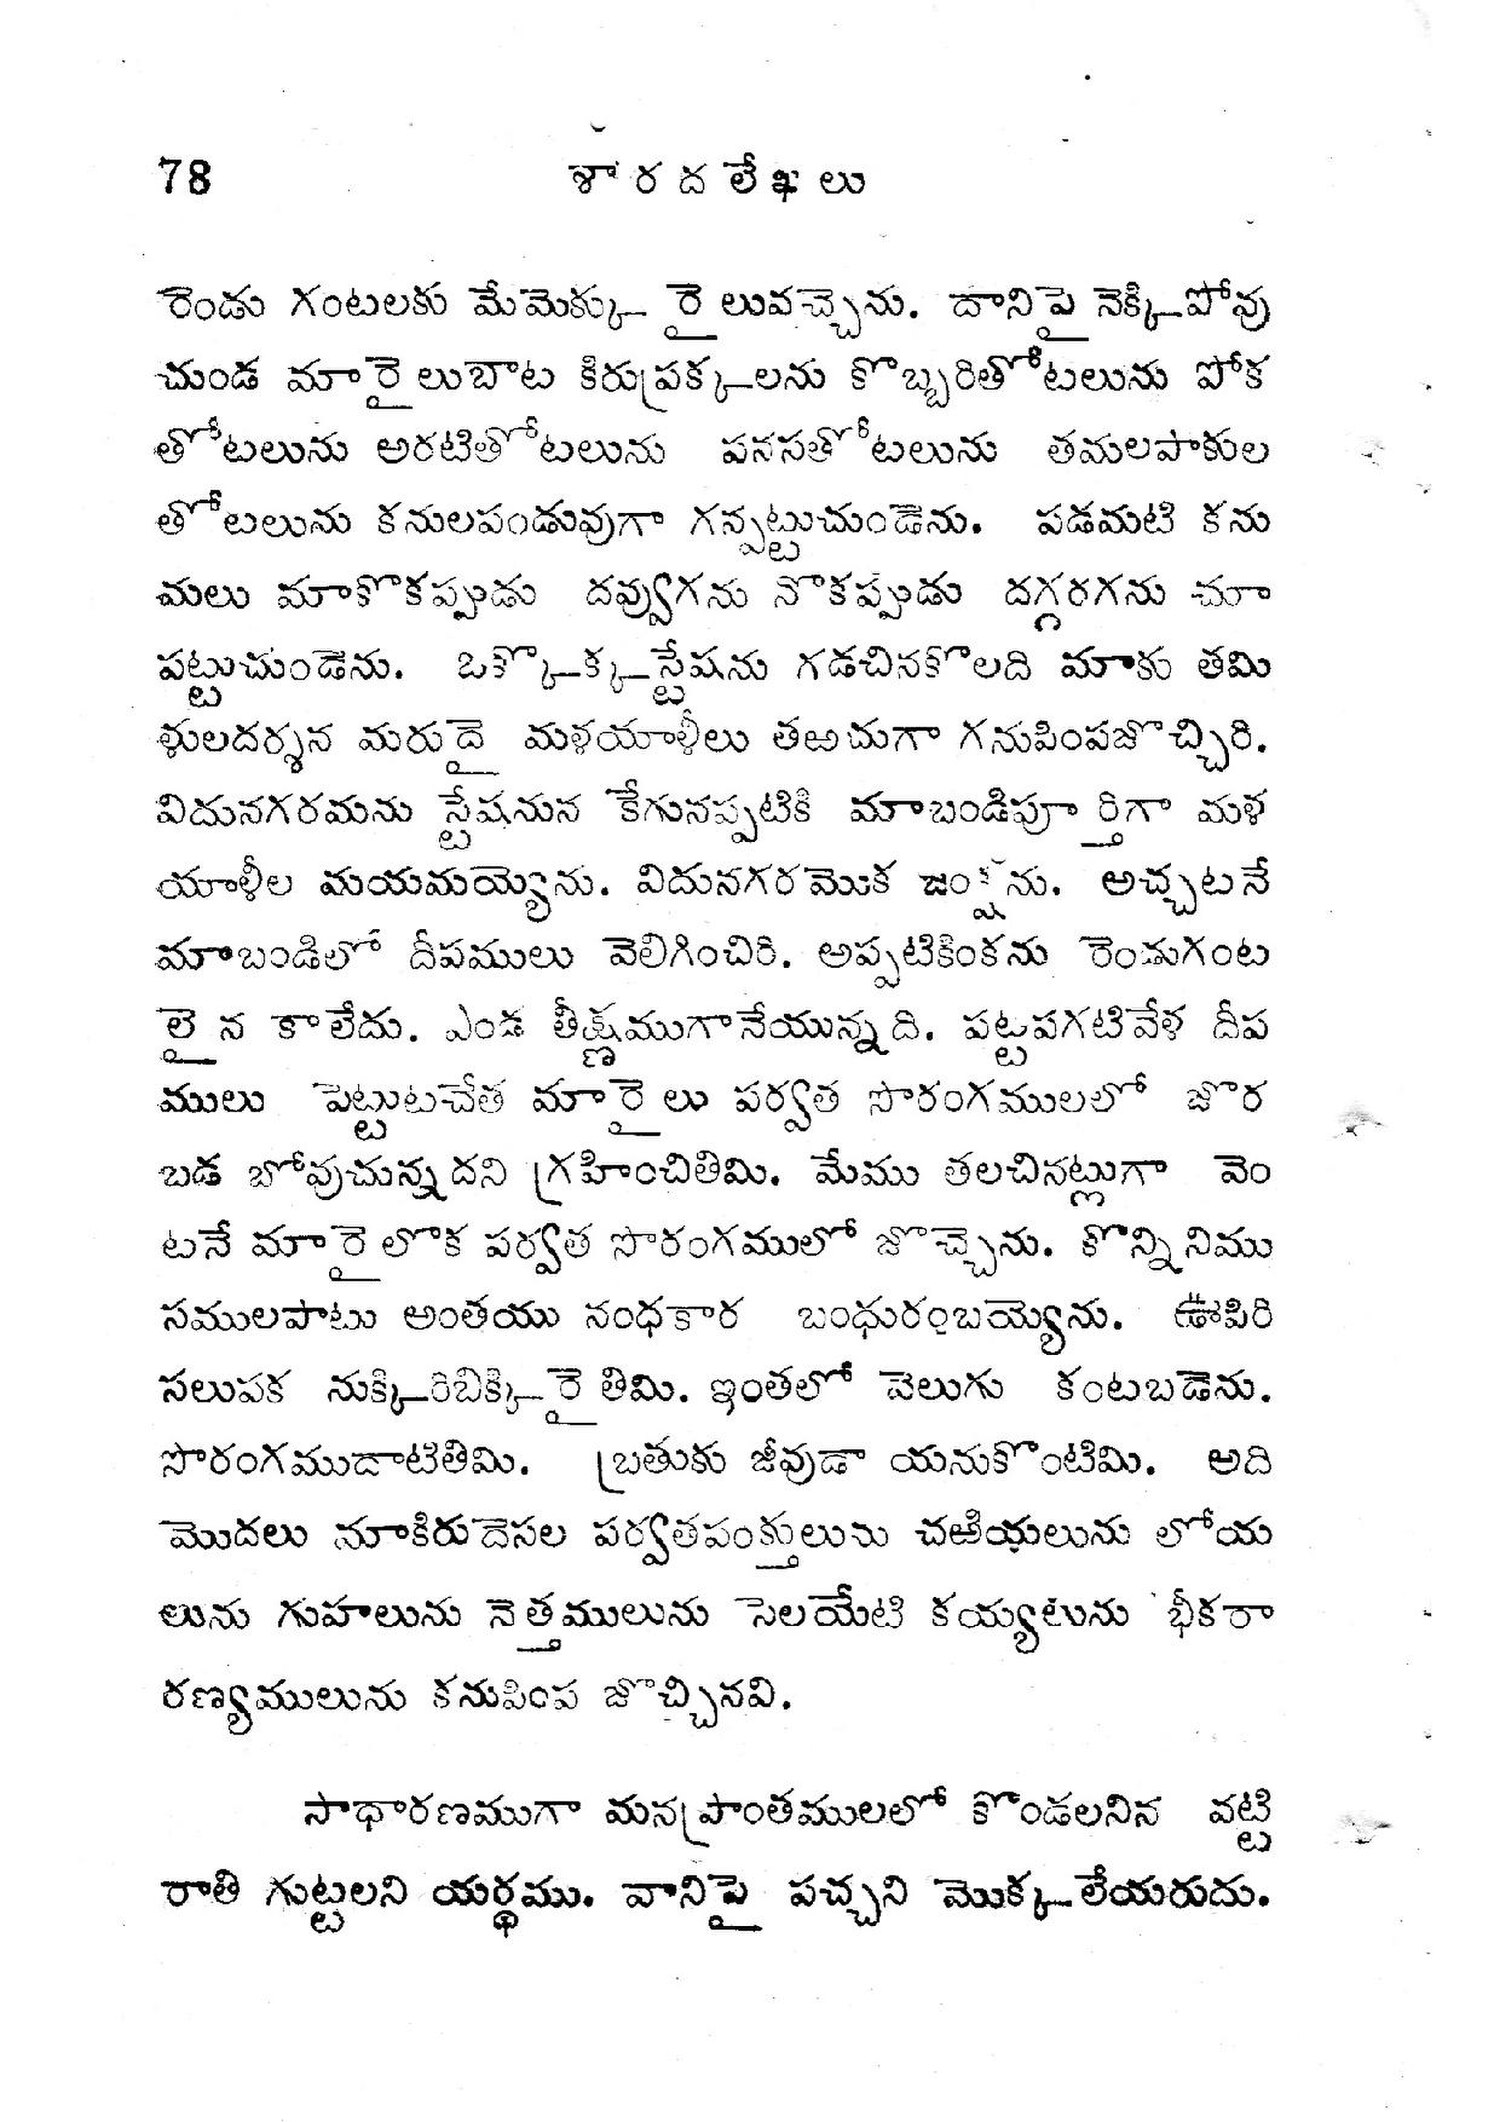రెండు గంటలకు మేమెక్కు రైలువచ్చెను. దానిపై నెక్కిపోవుచుండ మారైలుబాట కిరుప్రక్కలను కొబ్బరితోటలును పోకతోటలును అరటితోటలును పనసతోటలును తమలపాకుల తోటలును కనులపండువుగా గన్పట్టుచుండెను. పడమటి కనుమలు మాకొకప్పుడు దవ్వుగను నొకప్పుడు దగ్గరగను చూపట్టుచుండెను. ఒక్కొక్కస్టేషను గడచినకొలది మాకు తమిళులదర్శన మరుదై మళయాళీలు తఱచుగా గనుపింపజొచ్చిరి.
విదునగరమను స్టేషనున కేగునప్పటికి మాబండిపూర్తిగా మళయాళీల మయమయ్యెను. విదునగరమొక జంక్షను. అచ్చటనే మాబండిలో దీపములు వెలిగించిరి. అప్పటికింకను రెండుగంటలైన కాలేదు. ఎండ తీక్ష్ణముగానేయున్నది. పట్టపగటివేళ దీపములు పెట్టుటచేత మారైలు పర్వత సొరంగములలో జొరబడ బోవుచున్నదని గ్రహించితిమి. మేము తలచినట్లుగా వెంటనే మారైలొక పర్వత సొరంగములో జొచ్చెను. కొన్నినిముసములపాటు అంతయు నంధకార బంధురంబయ్యెను. ఊపిరి సలుపక నుక్కిరిబిక్కిరైతిమి. ఇంతలో వెలుగు కంటబడెను. సొరంగముదాటితిమి. బ్రతుకు జీవుడా యనుకొంటిమి. అదిమొదలు మాకిరుదెసల పర్వతపంక్తులును చఱియలును లోయలును గుహలును నెత్తములును సెలయేటి కయ్యలును భీకరారణ్యములును కనుపింప జొచ్చినవి.

సాధారణముగా మనప్రాంతములలో కొండలనిన వట్టి రాతి గుట్టలని యర్థము. వానిపై పచ్చని మొక్కలేయరుదు.